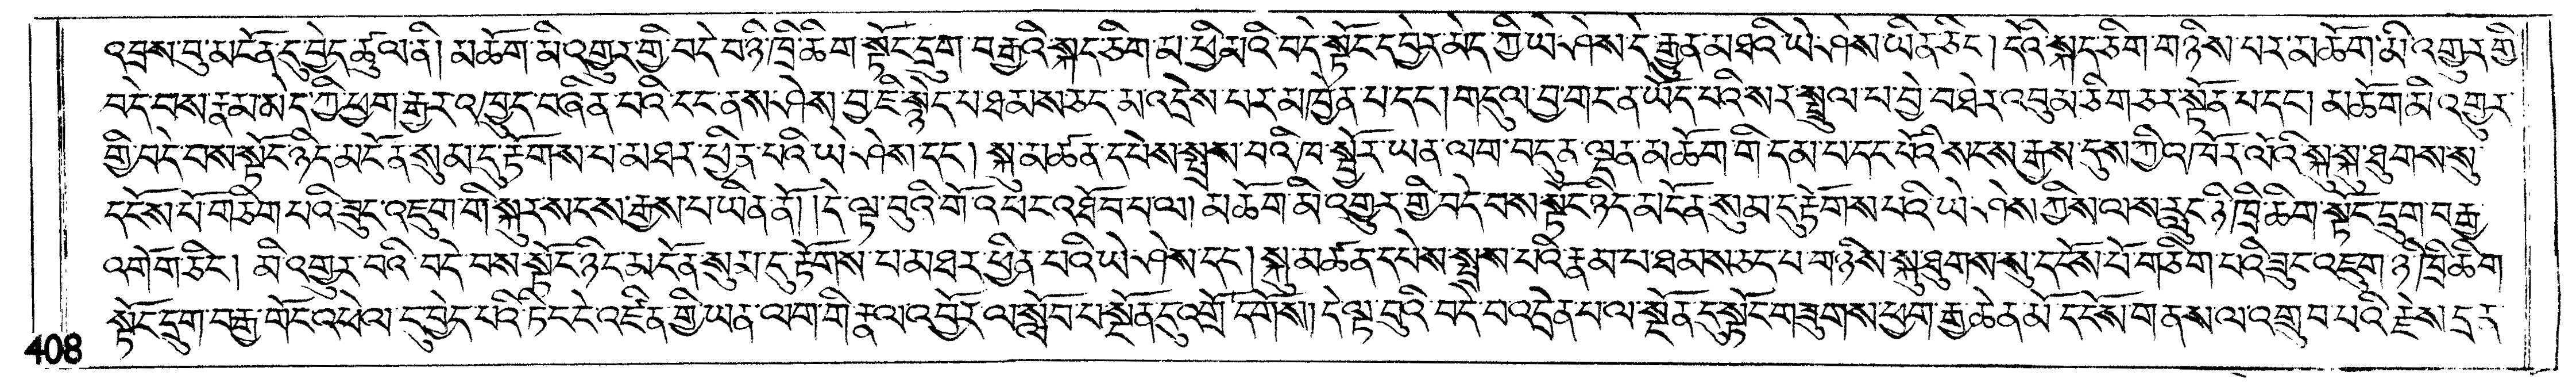འབྲས་བུ་མངོན་དུ་བྱེད་ཚུལ་ནི། མཆོག་མི་འགྱུར་གྱི་བདེ་བ་ཉི་ཁྲི་ཆིག་སྟོང་དྲུག་བརྒྱའི་སྐད་ཅིག་མ་ཕྱི་མའི་བདེ་སྟོང་དབྱེར་མེད་ཀྱི་ཡེ་ཤེས་དེ་རྒྱུན་མཐའི་ཡེ་ཤེས་ཡིན་ཅིང་། དེའི་སྐད་ཅིག་གཉིས་པར་མཆོག་མི་འགྱུར་གྱི་
བདེ་བས་རྣམ་མེད་ཀྱི་ཕྱག་རྒྱར་འཁྱུད་བཞིན་པའི་ངང་ནས་ཤེས་བྱ་ཇི་སྙེད་པ་ཐམས་ཅད་མ་འདྲེས་པར་མཁྱེན་པ་དང་། གདུལ་བྱ་གང་ན་ཡོད་པའི་སར་སྤྲུལ་པ་བྱེ་བ་ཐེར་འབུམ་ཅིག་ཅར་སྟོན་པ་དང་། མཆོག་མི་འགྱུར་
གྱི་བདེ་བས་སྟོང་ཉིད་མངོན་སུམ་དུ་རྟོགས་པ་མཐར་ཕྱིན་པའི་ཡེ་ཤེས་དང་། སྐུ་མཚན་དཔེས་སྤྲས་པའི་ཁ་སྦྱོར་ཡན་ལག་བདུན་ལྡན་མཆོག་གི་དམ་པ་དང་པོའི་སངས་རྒྱས་དུས་ཀྱི་འཁོར་ལོའི་སྐུ་སྐུ་ཐུགས་སུ་
དངོས་པོ་གཅིག་པའི་ཟུང་འཇུག་གི་སྐུར་སངས་རྒྱས་པ་ཡིན་ནོ། །དེ་ལྟ་བུའི་གོ་འཕང་འཐོབ་པ་ལ། མཆོག་མི་འགྱུར་གྱི་བདེ་བས་སྟོང་ཉིད་མངོན་སུམ་དུ་རྟོགས་པའི་ཡེ་ཤེས་ཀྱིས་ལས་རླུང་ཉི་ཁྲི་ཆིག་སྟོང་དྲུག་བརྒྱ་
འགོག་ཅིང་། མི་འགྱུར་བའི་བདེ་བས་སྟོང་ཉིད་མངོན་སུམ་དུ་རྟོགས་པ་མཐར་ཕྱིན་པའི་ཡེ་ཤེས་དང་། སྐུ་མཚན་དཔེས་སྤྲས་པའི་རྣམ་པ་ཐམས་ཅད་པ་གཉིས་སྐུ་ཐུགས་སུ་དངོས་པོ་གཅིག་པའི་ཟུང་འཇུག་ཉི་ཁྲི་ཆིག་
སྟོང་དྲུག་བརྒྱ་གོང་འཕེལ་དུ་བྱེད་པའི་ཏིང་ངེ་འཛིན་གྱི་ཡན་ལག་གི་རྣལ་འབྱོར་ལ་སློབ་པ་སྔོན་དུ་འགྲོ་དགོས། དེ་ལྟ་བུའི་བདེ་བ་འདྲེན་པ་ལ་སྔོན་དུ་སྟོང་གཟུགས་ཕྱག་རྒྱ་ཆེན་མོ་དངོས་གནས་ལ་འགྲུབ་པའི་རྗེས་དྲན་